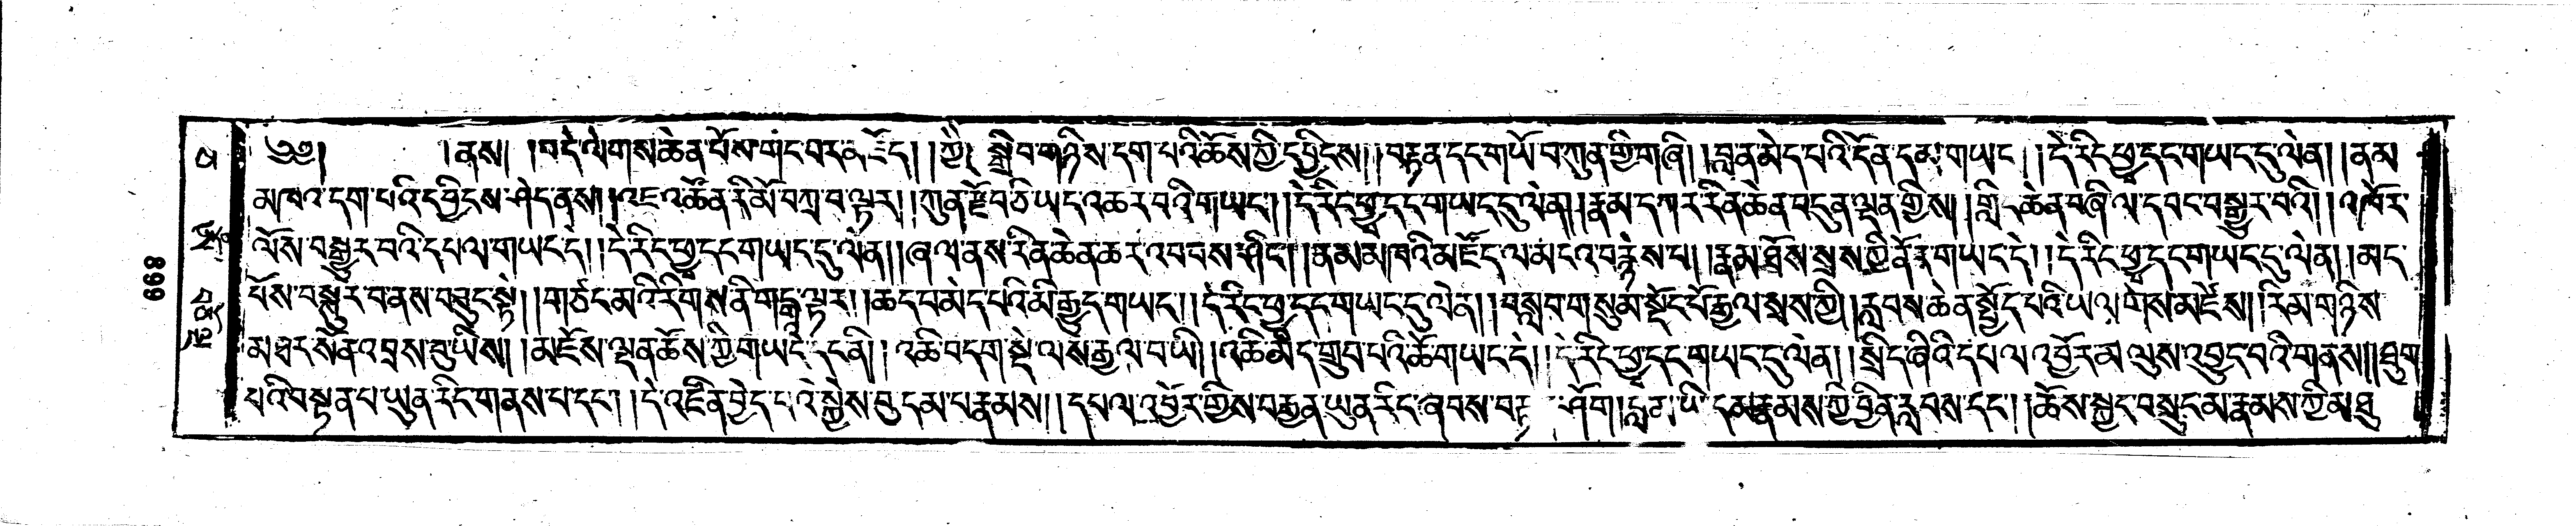༄༅། །ནས། །བདེ་ལེགས་ཆེན་པོས་གང་བར་མཛོད། །ཀྱཻ༑ སྒྲིབ་གཉིས་དག་པའི་ཆོས་ཀྱི་དབྱིངས། །བརྟན་དང་གཡོ་བ་ཀུན་གྱི་གཞི། །བླ་ན་མེད་པའི་དོན་དམ་གཡང་། །དེ་རིང་ཕྱྭ་དང་གཡང་དུ་ལེན། །ནམ་
མཁའ་དག་པའི་དབྱིངས་ཤེད་ནས། །འཇའ་ཚོན་རི་མོ་བཀྲ་བ་ལྟར། །ཀུན་རྫོབ་ཅི་ཡང་འཆར་བའི་གཡང་། །དེ་རིང་ཕྱྭ་དང་གཡང་དུ་ལེན། །རྣམ་དཀར་རིན་ཆེན་བདུན་ལྡན་གྱིས། །གླིང་ཆེན་བཞི་ལ་དབང་བསྒྱུར་བའི། །འཁོར་
ལོས་བསྒྱུར་བའི་དཔལ་གཡང་དེ། །དེ་རིང་ཕྱྭ་དང་གཡང་དུ་ལེན། །ཞལ་ནས་རིན་ཆེན་ཆར་འབབས་ཤིང་། །ནམ་མཁའི་མཛོད་ལ་མངའ་བརྙེས་པ། །རྣམ་ཐོས་སྲས་ཀྱི་ནོར་གཡང་དེ། །དེ་རིང་ཕྱྭ་དང་གཡང་དུ་ལེན། །མང་
པོས་བསྐུར་བ་ནས་བཟུང་སྟེ། །གཙང་མའི་རིགས་ནི་གངྒཱ་ལྟར། །ཆད་པ་མེད་པའི་མི་རྒྱུད་གཡང་། །དེ་རིང་ཕྱྭ་དང་གཡང་དུ་ལེན། །བསླབ་གསུམ་སྡོང་པོ་རྒྱལ་སྲས་ཀྱི། །རླབས་ཆེན་སྤྱོད་པའི་ཡལ་གས་མཛེས། །རིམ་གཉིས་
མཐར་སོན་འབྲས་བུ་ཡིས། །མཛེས་ལྡན་ཆོས་ཀྱི་གཡང་དང་ནི། །འཆི་བདག་སྡེ་ལས་རྒྱལ་བ་ཡི། །འཆི་མེད་གྲུབ་པའི་ཚེ་གཡང་དེ། །དེ་རིང་ཕྱྭ་དང་གཡང་དུ་ལེན། །སྲིད་ཞིའི་དཔལ་འབྱོར་མ་ལུས་འབྱུང་བའི་གནས། །ཐུབ་
པའི་བསྟན་པ་ཡུན་རིང་གནས་པ་དང་། །དེ་འཛིན་བྱེད་པའི་སྐྱེས་བུ་དམ་པ་རྣམས། །དཔལ་འབྱོར་གྱིས་བརྒྱན་ཡུན་རིང་ཞབས་བརྟན་ཤོག །བླ་མ་ཡི་དམ་རྣམས་ཀྱི་བྱིན་རླབས་དང་། །ཆོས་སྐྱོང་བསྲུང་མ་རྣམས་ཀྱིས་ཐུ་